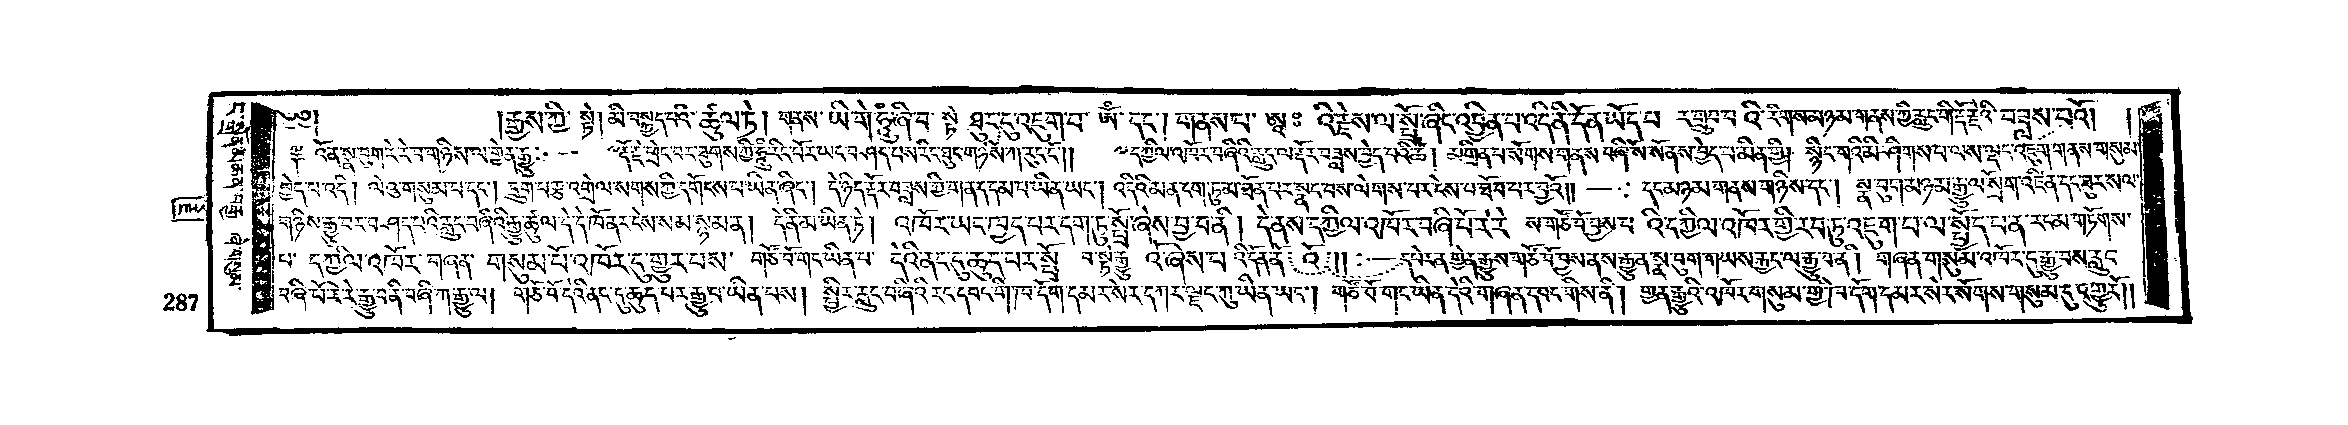༄༅། །རྒྱས་ཀྱི་སྟེ། མི་བསྐྱེད་པའི་ཚུལ་ཏེ། གནས་ཡི་གེ་ཧཱུཾ་ཞི་བ་སྟེ་ཐུང་དུ་འཇུག་པ་ཨོཾ་དང་། གནས་པ་ཨཱཿ་འི་རྗེས་ལ་སྤྲོ་ཞིང་འབྱིན་པ་འདི་ནི་དོན་ཡོད་པར་གྲུབ་པའི་རིགས་མཉམ་གནས་ཀྱི་རླུང་གི་རྡོ་རྗེའི་བཟླས་པའོ། །
༈ འོ་ན་སྣ་བུག་རེ་རེ་བ་གཉིས་ལ་གྱེན་རྒྱུ་H.༧རྡོ་རྗེ་ཕྲེང་བར་ཐུགས་ཀྱི་ཧཱུཾ་རིང་པོར་ཡང་བཤད་པས་རིང་ཐུང་གཉིས་ཀ་རུང་ངོ།། ༧་དཀྱིལ་འཁོར་བཞིའི་རླུང་ལ་རྡོར་བཟླས་བྱེད་པའི་ཚེ། མགྲིན་པ་སོགས་གནས་བཞི་སོ་སོ་ནས་བྱེད་པ་མིན་གྱི། སྙིང་གའི་མི་ཤིགས་པ་ལས་ལྡང་འཇུག་གནས་གསུམ་
བྱེད་པ་འདི། ལེའུ་གསུམ་པ་དང་། དྲུག་པ་རྩ་འགྲེལ་སོགས་ཀྱི་དགོངས་པ་ཡིན་ཞིང་། དེ་ཉིད་རྡོར་བཟླས་ཀྱི་གནད་དམ་པ་ཡིན་ཡང་། འདིའི་མན་ངག་ཏུ་མ་ཐོན་པར་སྣང་བས་ལེགས་པར་ངེས་པ་ཐོབ་པར་བྱའོ།། .Hདང་མཉམ་གནས་གཉིས་དང་། སྣ་བུག་མཉམ་རྒྱུ་ལ་སྲོག་འཛིན་དང་ཐུར་སལ་
གཉིས་རྒྱུ་བར་བཤད་པའི་རླུང་བཞིའི་རྒྱུ་ཚུལ་དེ་དེ་ཁོ་ནར་ངེས་སམ་སྙམ་ན། དེ་ནི་མ་ཡིན་ཏེ། འཁོར་ཡང་ཁྱད་པར་དག་ཏུ་སྤྲོ་ཞེས་བྱ་བ་ནི། དེ་ནས་དཀྱིལ་འཁོར་བཞི་པོ་རེ་རེས་གཙོ་བོ་བྱས་པའི་དཀྱིལ་འཁོར་གྱི་རབ་ཏུ་འཇུག་པ་ལ་སྤྱོད་པ་ན་རང་མ་གཏོགས་
པ་དཀྱིལ་འཁོར་གཞན་གསུམ་པོ་འཁོར་དུ་གྱུར་པས་གཙོ་བོ་གང་ཡིན་པ་དེའི་ནང་དུ་ཆུད་པར་སྤྲོ་བ་སྟེ་རྒྱུའོ་ཞེས་པའི་དོན་ནོ་འོ།། H.དཔེར་ན་གྱེན་རྒྱུས་གཙོ་བོ་བྱས་ནས་རྒྱུན་སྣ་བུག་གཡས་རྐྱང་ལ་རྒྱུ་བ་ནི། གཞན་གསུམ་འཁོར་དུ་རྒྱུ་བས་རླུང་
བཞི་པོ་རེ་རེ་རྒྱུ་བ་ནི་བཞི་ཀ་རྒྱུ་ལ། གཙོ་བོ་དེའི་ནང་དུ་ཆུད་པར་རྒྱུ་བ་ཡིན་པས། སྤྱིར་རླུང་བཞིའི་རང་དབང་གི་ཁ་དོག་དམར་སེར་དཀར་ལྗང་ཀུ་ཡིན་ཡང་། གཙོ་བོ་གང་ཡིན་དེའི་གཞན་དབང་གིས་ནི། གྱེན་རྒྱུའི་འཁོར་གསུམ་གྱི་ཁ་དོག་དམར་སེར་སོགས་གསུམ་དུ་འགྱུར་རོ།།